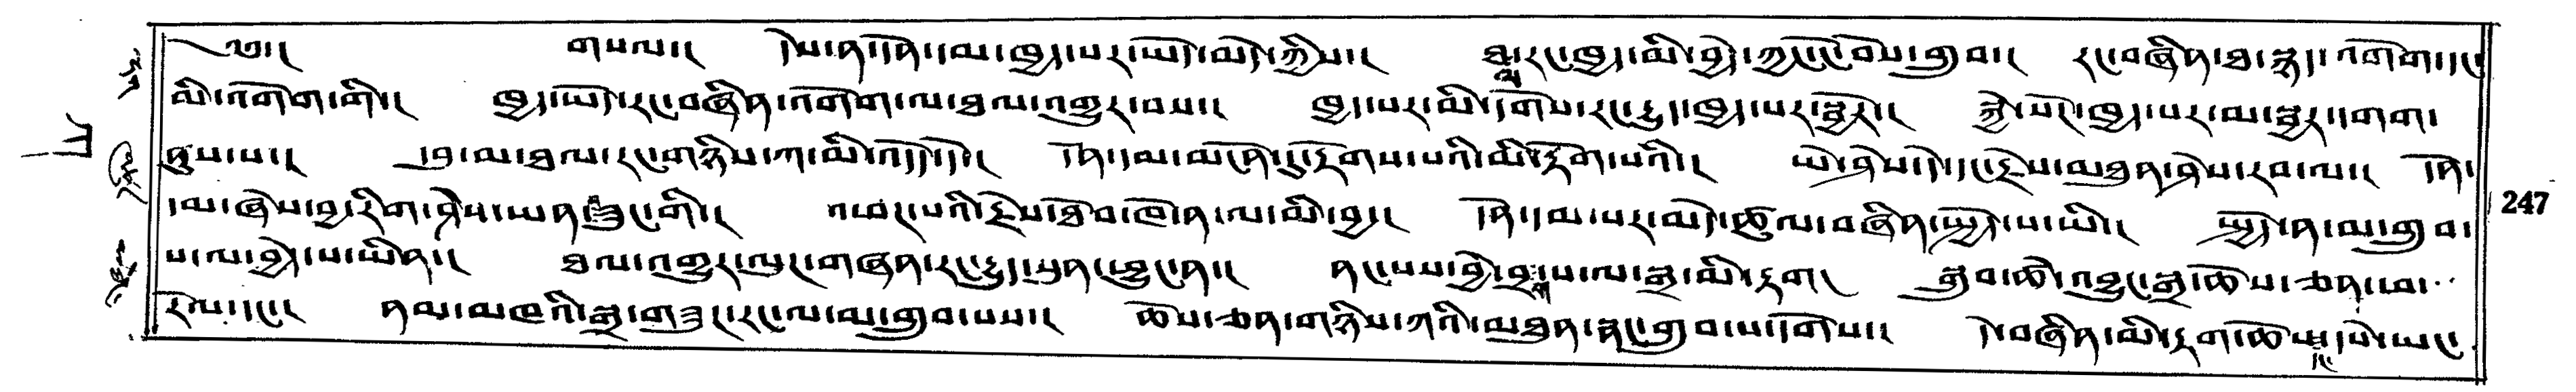གསལ། །དེས་ན་དོན་དམ་ཁྱད་པར་ཡོད་མཻད་ཀྱིས། །ཐལ་རང་ཁྱད་མི་འབྱེད་ཀྱང་ངོ་བོས་གྲུབ། །རང་བཞིན་ཐ་སྙད་འགོག་དང་
མི་འགོག་གིཁྱད་ཡོད་རང་བཞིན་འགོག་ལ་ཐལ་འགྱུར་བས། ཁྱད་པར་མི་དགོས་རང་རྒྱུད་ཁྱད་པར་སྦྱོར། །སྐྱེ་སོགས་ཁྱད་པར་མ་སྦྱར་དགག་
ནུས་པ། །དབུ་མ་ཐལ་རང་གཉིས་ཀ་མི་འདོད་དོ། །དོན་དམ་མངོན་དུ་རྟོགས་པའི་མི་རྟོག་པའི། །ཡེ་ཤེས་དེ་དང་རྗེས་མཐུན་ཤེས་རབ་ལ། །དོན་
དམ་ཞེས་བྱ་རིགས་ཤེས་ཡིན་གསུངས་ཀྱི། །འཕགས་པའི་རྗེས་ཐོབ་ཁོ་ན་ལ་མི་བྱ། །དོན་དམ་པར་མེད་ཚུལ་བཞིན་སྤྱོད་པ་ཡི། །སྤྱོད་ན་མ་གྲུབ་
པ་ལ་བྱེད་པ་ཡིན། །ཐལ་འགྱུར་ལུགས་གཞན་རང་རྒྱུད་སུན་ཕྱུང་ན། །ནང་པས་བྱེ་བྲག་པ་ལ་སྒྲ་མི་རྟག །སྒྲུབ་ཚེ་འབྱུང་སྒྲ་ཆོས་ཅན་ཕ་
རོལ་དང་། །ནམ་མཁའི་སྒྲ་གཟུགས་རང་ལ་མ་གྲུབ་པས། །ཆོས་ཅན་གཉིས་ཀའི་མཐུན་སྣང་གྲུབ་པ་དགོས། །དེ་བཞིན་མི་རྟག་ཆོས་དང་དཔེ་ཡང་